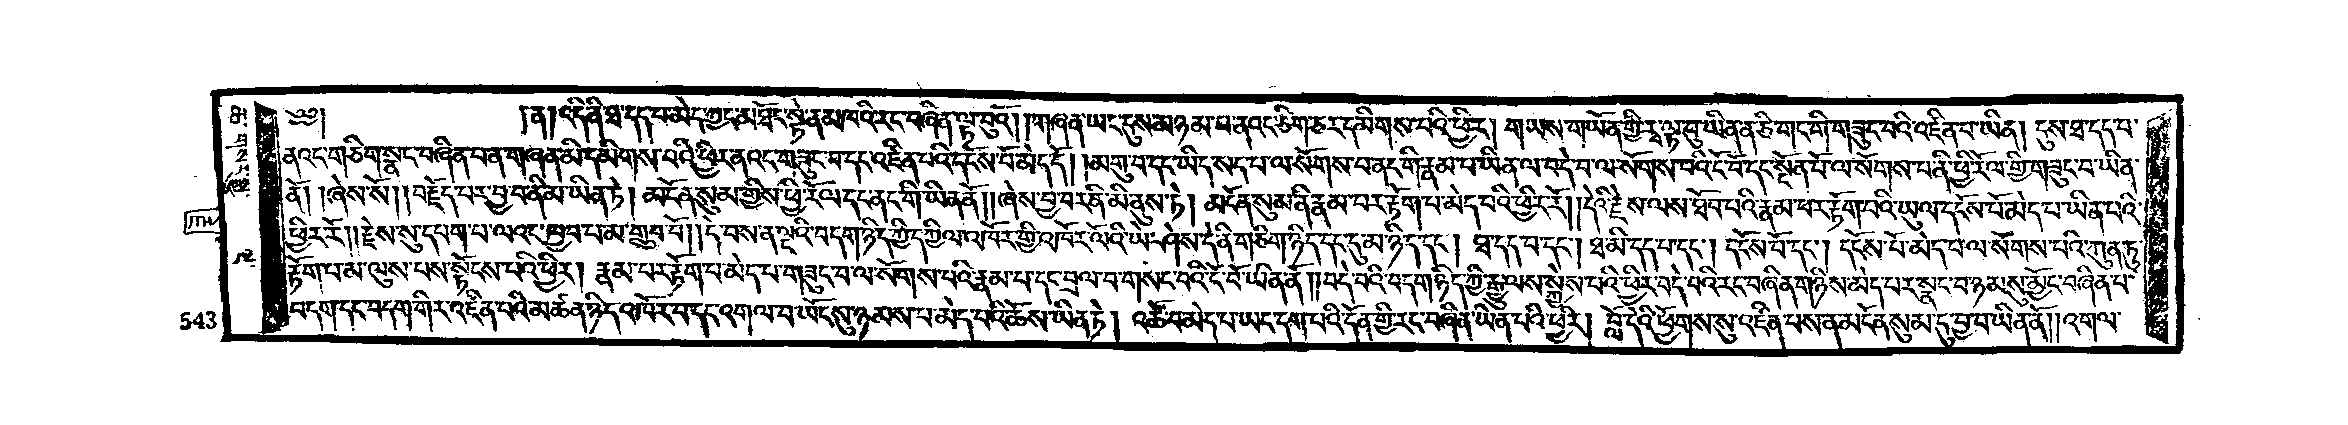༄༅། །ན། འདི་ནི་ཐ་དད་པ་མེད་ཀྱང་མཐོང་སྟེ་ནམ་མཁའི་རང་བཞིན་ལྟ་བུའོ། །གཞན་ཡང་དུས་མཉམ་པ་ནའང་ཅིག་ཅར་དམིགས་པའི་ཕྱིར། གཡས་གཡོན་གྱི་རྭ་ལྟ་བུ་ཡིན་ན་ཅི་གང་གི་གཟུང་བའི་འཛིན་པ་ཡིན། དུས་ཐ་དད་པ་
ནའང་གཅིག་སྣང་བཞིན་པ་ན་གཞན་མི་དམིགས་པའི་ཕྱིར་ནའང་གཟུང་བ་དང་འཛིན་པའི་དངོས་པོ་མེད་དོ། །མགུ་བ་དང་ཡིད་སད་པ་ལ་སོགས་པ་ནང་གི་རྣམ་པ་ཡིན་ལ་བདེ་བ་ལ་སོགས་པའི་ངོ་བོ་དང་སྔོན་པོ་ལ་སོགས་པ་ནི་ཕྱི་རོལ་གྱི་གཟུང་བ་ཡིན་
ནོ། །ཞེས་སོ། །བརྗོད་པར་བྱ་བ་ནི་མ་ཡིན་ཏེ། མངོན་སུམ་གྱིས་ཕྱི་རོལ་དང་ནང་གི་ཡིན་ནོ། །ཞེས་བྱ་བར་ནི་མི་ནུས་ཏེ། མངོན་སུམ་ནི་རྣམ་པར་རྟོག་པ་མེད་པའི་ཕྱིར་རོ། །དེའི་རྗེས་ལས་ཐོབ་པའི་རྣམ་པར་རྟོག་པའི་ཡུལ་དངོས་པོ་མེད་པ་ཡིན་པའི་
ཕྱིར་རོ། །རྗེས་སུ་དཔག་པ་ལའང་ཁྱབ་པ་མ་གྲུབ་བོ། །དེ་བས་ན་ལྔའི་བདག་ཉིད་ཀྱི་དཀྱིལ་འཁོར་གྱི་འཁོར་ལོའི་ཡེ་ཤེས་དེ་ནི་གཅིག་ཉིད་དང་དུ་མ་ཉིད་དང་། ཐ་དད་པ་དང་། ཐ་མི་དད་པ་དང་། དངོས་པོ་དང་། དངོས་པོ་མེད་པ་ལ་སོགས་པའི་ཀུན་ཏུ་
རྟོག་པ་མ་ལུས་པས་སྟོངས་པའི་ཕྱིར། རྣམ་པར་རྟོག་པ་མེད་པ་གཟུང་བ་ལ་སོགས་པའི་རྣམ་པ་དང་བྲལ་བ་གསང་བའི་ངོ་བོ་ཡིན་ནོ། །བདེ་བའི་བདག་ཉིད་ཀྱི་རྒྱུ་ལས་སྐྱེས་པའི་ཕྱིར་བདེ་བའི་རང་བཞིན་གཉིས་མེད་པར་སྣང་བ་ཉམས་སུ་མྱོང་བཞིན་པ་
བདག་དང་བདག་གིར་འཛིན་པའི་མཚན་ཉིད་འཁོར་བ་དང་འགལ་བ་ཡོངས་སུ་ཉམས་པ་མེད་པའི་ཆོས་ཡིན་ཏེ། འཚེ་བ་མེད་པ་ཡང་དག་པའི་དོན་གྱི་རང་བཞིན་ཡིན་པའི་ཕྱིར། བློ་དེའི་ཕྱོགས་སུ་འཛིན་པས་ན་མངོན་སུམ་དུ་བྱ་བ་ཡིན་ནོ། །འགལ་